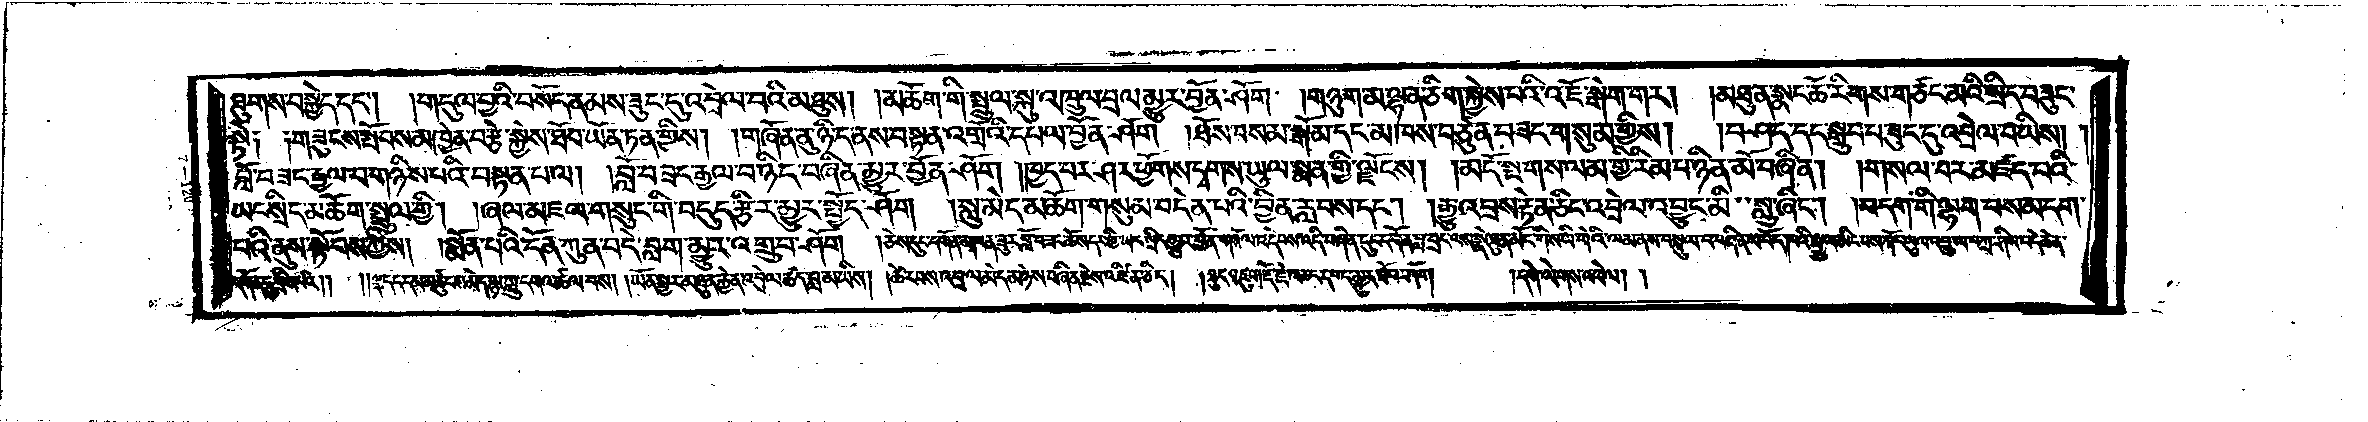ཐུགས་བསྐྱེད་དང་། །གདུལ་བྱའི་བསོད་ནམས་ཟུང་དུ་འབྲེལ་བའི་མཐུས། །མཆོག་གི་སྤྲུལ་སྐུ་འཁྲུལ་བྲལ་མྱུར་བྱོན་ཤོག །གཉུག་མ་ལྷན་ཅིག་སྐྱེས་པའི་འཇོ་སྒེག་གར། །མཐུན་སྣང་ཆོ་རིགས་གཙང་མའི་སྲིད་བཟུང་
སྟེ༑ ༑གཟུངས་སྤོབས་མཁྱེན་བརྩེ་སྐྱེས་ཐོབ་ཡོན་ཏན་གྱིས། །གཞོན་ནུ་ཉིད་ནས་བསྟན་འགྲོའི་དཔལ་བྱོན་ཤོག །ཐོས་བསམ་སྒོམ་དང་མཁས་བཙུན་བཟང་གསུམ་གྱིས། །བཤད་དང་སྒྲུབ་པ་ཟུང་དུ་འབྲེལ་བ་ཡིས། །
བློ་བཟང་རྒྱལ་བ་གཉིས་པའི་བསྟན་པ་ལ། །བློ་བཟང་རྒྱལ་བ་ཉིད་བཞིན་མྱུར་བྱོན་ཤོག །ཁྱད་པར་ཤར་ཕྱོགས་དྭགས་ཡུལ་སྨན་གྱི་ལྗོངས། །མདོ་སྔགས་ལམ་གྱི་རིམ་པ་ཉིན་མོ་བཞིན། །གསལ་བར་མཛད་པའི་
ཡང་སྲིད་མཆོག་སྤྲུལ་གྱི། །ཞལ་མཇལ་གསུང་གི་བདུད་རྩིར་མྱུར་སྤྱོད་ཤོག །སླུ་མེད་མཆོག་གསུམ་བདེན་པའི་བྱིན་རླབས་དང་། །རྒྱུ་འབྲས་རྟེན་ཅིང་འབྲེལ་འབྱུང་མི་བསླུ་ཟིང་། །བདག་གི་ལྷག་བསམ་དག་
པའི་ནུས་སྟོབས་ཀྱིས། །སྨོན་པའི་དོན་ཀུན་བདེ་བླག་མྱུར་འགྲུབ་ཤོག །ཅེས་དུང་དགོན་མཁན་ཟུང་བློ་བཟང་ཆོས་དང་སྲིད་མྱུར་བྱོན་གསོལ་འདེབས་འདི་བཞིན་དུང་དགོན་བླ་བྲང་ལས་སྣེ་ཐུན་མོང་གིས་ཡི་གེའི་འཕགས་བསྐུལ་བཞིན ༧ཕ་བོང་སྤྲུལ་མིང་པས་གོང་ཡུལ་འབུལ་བཀྲ་ཤིས་བདེ་ཆེན་
དགོན་དུ་བྲིསO།། །།༈ དད་དམ་མཚུངས་མེ་བལྟ་ཀླུ་དགའ་ཚལ་བས། །ཡོན་སྦྱར་མཐུན་རྐྱེན་འབྲེལ་ཚད་བླ་མ་ཡིས། །ཚེ་རབས་འབྲལ་མེད་མཉེས་བཞིན་རྗེས་འཛིན་ཅིང་། །ཟུང་འཇུག་རྡོ་རྗེ་འཆང་དབང་མྱུར་ཐོབ་ཤོག །དགེ་ལེགས་འཕེལ།